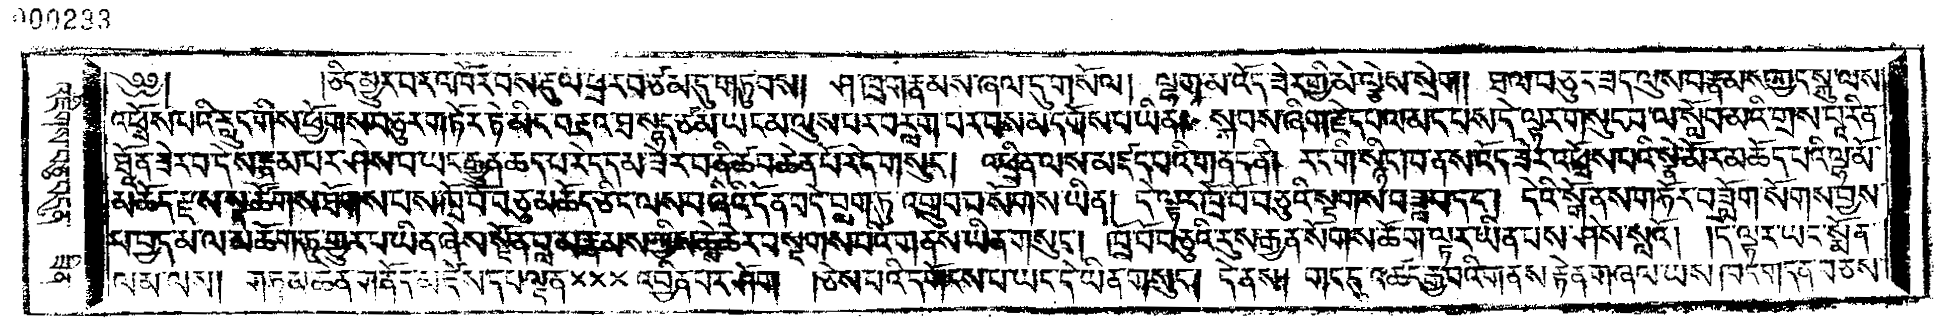༄༅། །ཅིང་མྱུར་བར་འཁོར་བས་རྡུལ་ཕྲ་རབ་ཙམ་དུ་གཏུབས། ཤ་ཁྲག་རྣམས་ཞལ་དུ་གསོལ། ལྷག་མ་འོད་ཟེར་གྱི་མེ་ལྕེས་སྲེག །ཐལ་བཅུང་ཟད་ལུས་པ་རྣམས་ཀྱང་སྐུ་ལས་
འཕྲོས་པའི་རླུང་གིས་ཕྱོགས་བཅུར་གཏོར་ཏེ་མིང་བརྡའ་ཐ་སྙད་ཙམ་ཡང་མ་ལུས་པར་བརླག་པར་བསམ་དགོས་པ་ཡིན། སྐབས་ཞིག་རྗེ་དཔལ་མང་པས་དེ་ལྟར་གསུང་བ་ལ་སློབ་མའི་གྲས་པཱ་རིན་
འཐོན་ཟེར་བ་དེས་རྣམ་པར་ཤེས་པ་ཡང་རྒྱུན་ཆད་པ་རེད་དམ་ཟེར་བ་ནི་ཚབ་ཆེན་པོ་རེད་གསུང་། འཕྲིན་ལས་མཛད་པའི་གནད་ནི། རང་གི་སྙིང་ཁ་ནས་འོད་ཟེར་འཕྲོས་པའི་སྣེ་མོར་མཆོད་པའི་ལྷ་མོ་
མཆོད་རྫས་སྣ་ཚོགས་ཐོགས་པས་ཁྲོ་བོ་བཅུ་མཆོད་ཅིང་ལས་བཞིའི་དོན་བདེ་བླག་ཏུ་འགྲུབ་པ་སོགས་ཡིན། དེ་ལྟར་ཁྲོ་བོ་བཅུའི་སྔགས་བཟླ་བ་དང་། དེའི་སྒོ་ནས་གཏོར་བཟློག་སོགས་བྱས་
པ་བྱད་མ་ལ་མཆོག་ཏུ་གྱུར་པ་ཡིན་ཞེས་སྔོན་བླ་མ་རྣམས་ཀྱིས་ཆེས་ཆེར་བསྔགས་པའི་གནས་ཡིན་གསུང་། ཁྲོ་བོ་བཅུའི་རུས་རྒྱན་སོགས་ཆོ་ག་ལྟར་ཡིན་པས་ཤེས་སླའོ། །དེ་ལྟར་ཡང་སྨོན་
ལམ་ལས། གཏུམ་ཆེན་གནོད་མཛེས་དཔལ་ལྡན་྾྾྾་འབྱིན་པར་ཤོག །ཅེས་པའི་དགོངས་པ་ཡང་དེ་ཡིན་གསུང་། དེ་ནས། གང་དུ་འཚང་རྒྱ་བའི་གནས་རྟེན་གཞལ་ཡས་ཁང་གདན་བཅས་